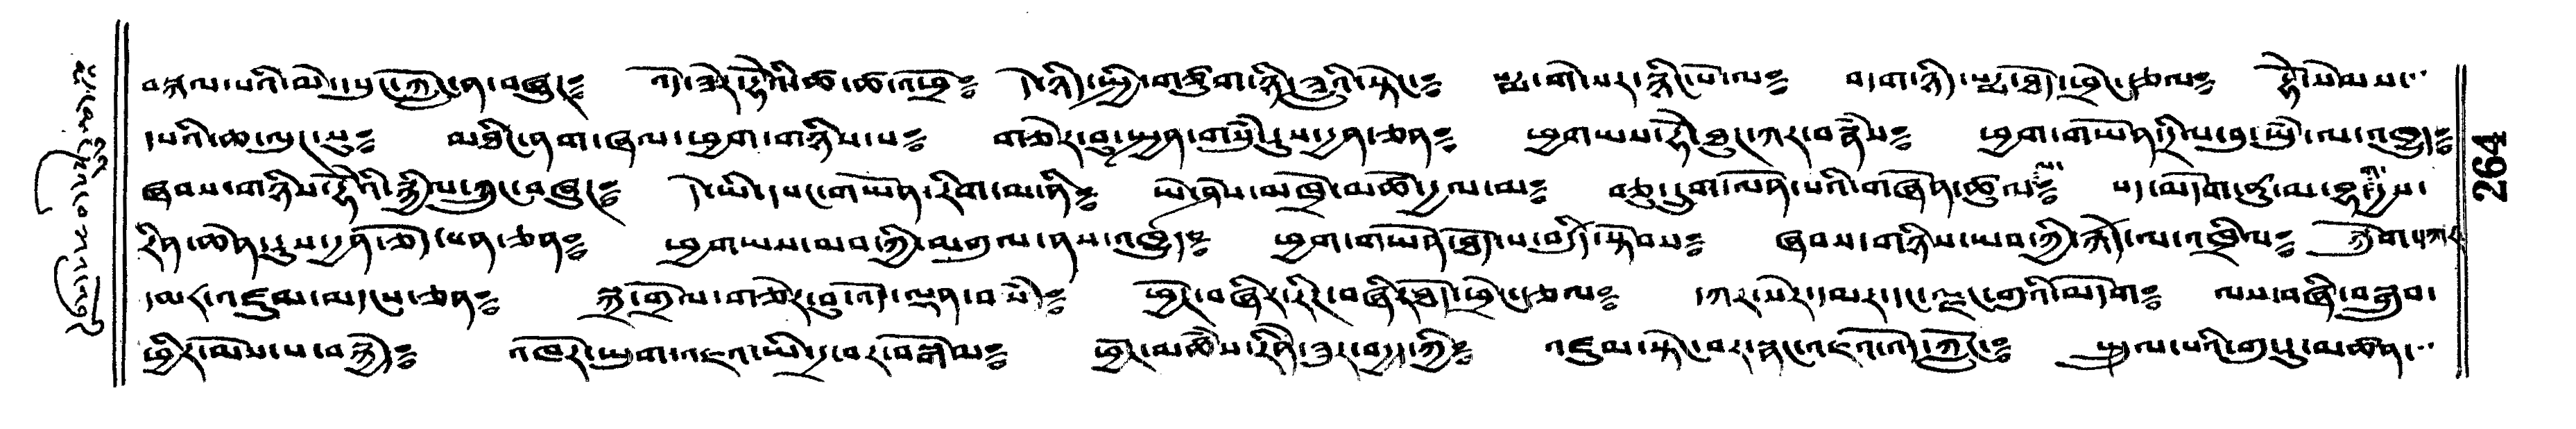བསྐལ་པའི་མེ་དཔུང་ཀློང་ན་བཞུགས༔ འོད་ཟེར་རྡོ་རྗེའི་ཚྭ་ཚྭ་འཕྲོ༔ དེ་ཉིད་སྤྱི་གཙུག་ཉི་ཟླའི་སྟེང༔ པདྨ་གེ་སར་སྙིང་པོ་ལ༔ བདག་ཉིད་པདྨ་ཐོད་ཕྲེང་རྩལ༔ རྡོ་རྗེ་སེམས་
དཔའི་ཆ་ལུགས་སུ༔ མཐིང་ནག་ཞལ་ཕྱག་གཉིས་པ༔ གཅེར་བུ་སྤྱན་གསུམ་རུས་རྒྱན་ཅན༔ ཕྱག་གཡས་རྡོ་རྗེ་ཐུགས་ཀར་བསྣམས༔ ཕྱག་གཡོན་དྲིལ་བུ་ཡུམ་ལ་འཁྱུད༔ 
ཞབས་གཉིས་རྡོ་རྗེའི་སྐྱིལ་ཀྲུང་བཞུགས༔ དེ་ཡི་པང་གཡོན་རིག་མ་ནི༔ ཡེ་ཤེས་མཁའ་འགྲོ་མཚོ་རྒྱལ་མ༔ བཅུ་དྲུག་ལོན་པའི་གཞོན་ཚུལ་ལ༔ པད་མདོག་ནུ་མ་བྷ་ག་རྒྱས༔ 
རིན་ཆེན་རུས་རྒྱན་ཅོད་པཎ་ཅན༔ ཕྱག་གཡས་ཡབ་ཀྱི་མགུལ་ནས་འཁྱུད༔ ཕྱག་གཡོན་ཐོད་པས་བདུད་རྩིའི་སྟོབ༔ ཞབས་གཉིས་ཡབ་ཀྱི་རྐེད་ལ་འཁྲིལ༔ སྐུ་མདོག་དཀར་
དམར་འཛུམ་མདངས་ཅན༔ སྐྲ་གྲོལ་གཅེར་བུ་འོད་ལྡན་བསམ༔ ཕྱོགས་བཞིར་རིགས་བཞི་ཐོད་ཕྲེང་རྩལ༔ དཀར་སེར་དམར་དང་ལྗང་གུའི་མདོག༔ ལས་བཞི་སྒྲུབ་
ཕྱིར་མོས་པ་བསྐྱེད༔ འཁོར་ཡུག་འཇའ་ཡི་དྲྭ་བར་བསྒོམ༔ ཕྱོགས་མཚམས་རིན་ཆེན་ཟུར་བརྒྱད་ཀྱི༔ འཛུམ་སྟེང་བར་སྣང་འཇའ་འོད་ཀློང༔ སྤྲུལ་པའི་གུ་རུ་མཚན་